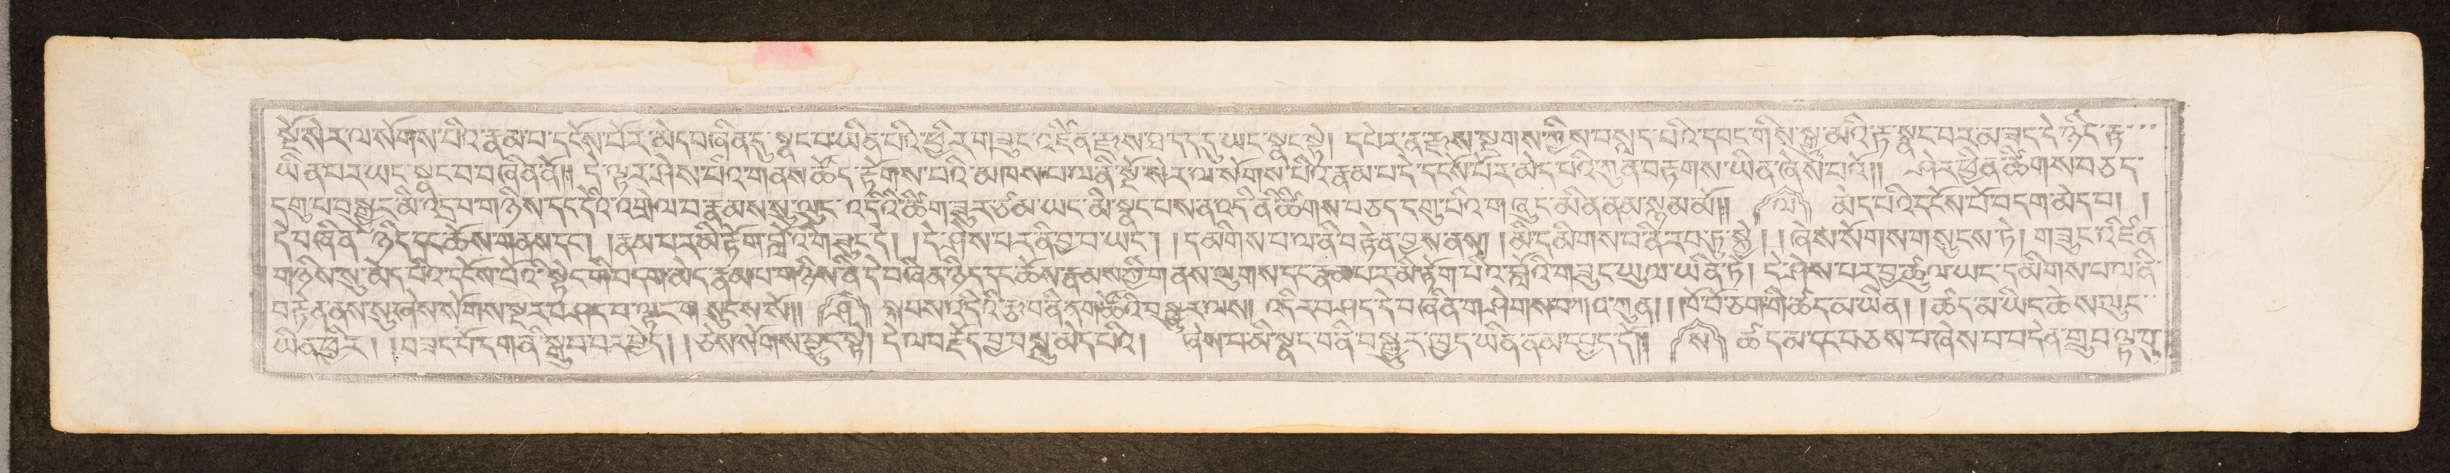སྔོ་སེར་ལ་སོགས་པའི་རྣམ་པ་དངོས་པོར་མེད་བཞིན་དུ་སྣང་བ་ཡིན་པའི་ཕྱིར་གཟུང་འཛིན་རྫས་ཐ་དད་དུ་ཡང་སྣང་སྟེ། དཔེར་ན་རྫས་སྡགས་ཀྱིས་བསླད་པའི་དབང་གིས་སྒྱུ་མའི་རྟ་སྣང་བར་མ་ཟད་དེ་ཉིད་རྟ་
ཡིན་པར་ཡང་སྣང་བ་བཞིན་ནོ། །དེ་ལྟར་ཤེས་པའི་གནས་ཚོད་རྟོགས་པའི་མཁས་པ་ལ་ནི་སྔོ་སེར་ལ་སོགས་པའི་རྣམ་པ་དེ་དངོས་པོར་མེད་པའི་ཀུན་བརྟགས་ཡིན་ཞེས་པའོ། །ཤེར་ཕྱིན་ཚིགས་བཅད་
དགུ་པ་བསྒྱུར་མི་འདྲ་བ་གཉིས་དང་དེའི་འགྲེལ་བ་རྣམས་སུ་ལུང་འདིའི་ཚིག་ཟུར་ཙམ་ཡང་མི་སྣང་བས་ན་འདི་ནི་ཚིགས་བཅད་དགུ་པའི་གཞུང་མིན་ནམ་སྙམ་མོ། ། ༼༽ལ༼༽ མེད་པའི་དངོས་པོ་བདག་མེད་པ། །
དེ་བཞིན་ཉིད་དང་ཆོས་གནས་དང་། །རྣམ་པར་མི་རྟོག་བློའི་གཟུང་༺དེ། །དེ་ཤེས་པར་ནི་བྱ་བ་ཡང་། །དམིགས་པ་ལ་ནི་བརྟེན་བྱས་ནས། །མི་དམིགས་པ་ནི་རབ་ཏུ་སྐྱེ། །ཞེས་སོགས་གསུངས་ཏེ། གཟུང་འཛིན་
གཉིས་སུ་མེད་པའི་དངོས་པོའི་སྟེང་གི་བདག་མེད་རྣམ་པ་གཉིས་ན་དེ་བཞིན་ཉིད་དང་ཆོས་རྣམས་ཀྱི་གནས་ལུགས་དང་རྣམ་པར་མི་རྟོག་པའི་བློའི་གཟུང་ཡུལ་ཡིན་ཏེ། དེ་ཤེས་པར་བྱ་ཚུལ་ཡང་དམིགས་པ་ལ་ནི་
བརྟེན་ནས་སུ་ཞེས་སོགས་སྔར་བཤད་པ་ལྟར་གསུངས་སོ། ། ༼༽ཤ༼༽ སྐབས་འདིའི་རྩ་བ་ནི་ནག་ཚོའི་བསྒྱུར་ལས། འདིར་བཤད་དེ་བཞིན་གཤེགས་བཀའ་ཀུན། །ཁོ་བོ་ཅག་གི་ཚད་མ་ཡིན། །ཚད་མ་ཡིད་ཆེས་ལུང་
ཡིན་ཕྱིར། །བཟང་པོ་དག་ནི་སྒྲུབ་པར་བྱེད། །ཅེས་སོགས་བྱུང་སྟེ། དེ་ལ་བརྗོད་བྱ་བསླུ་མེད་པའི། ཞེས་པ་མི་སྣང་བ་ནི་བསྒྱུར་ཁྱད་ཡིན་ནམ་དཔྱད་དོ། ། ༼༽ས༼༽ ཚད་མ་དང་བཅས་པ་ཞེས་པ་བདེན་གྲུབ་ལྟ་བུ་